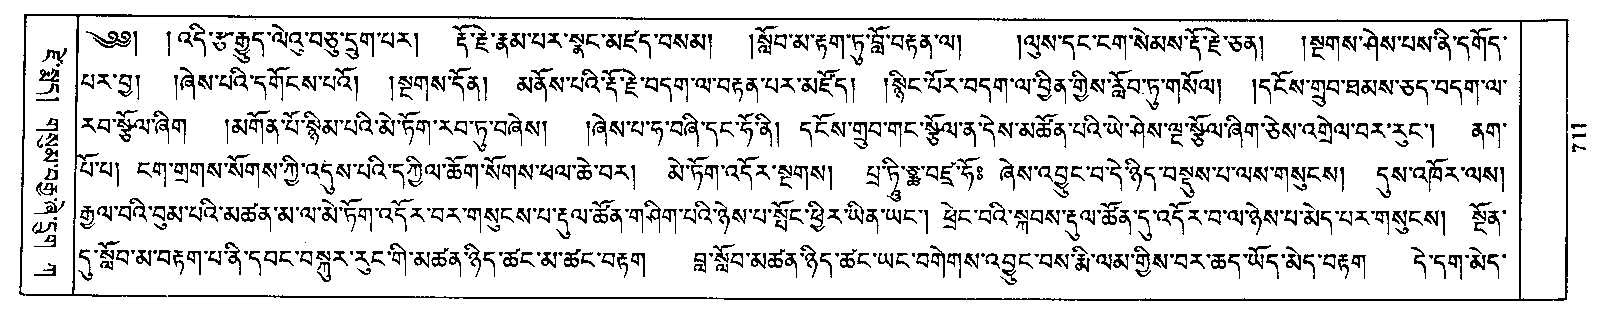༄༅། །འདི་རྩ་རྒྱུད་ལེའུ་བཅུ་དྲུག་པར། རྡོ་རྗེ་རྣམ་པར་སྣང་མཛད་བསམ། །སློབ་མ་རྟག་ཏུ་བློ་བརྟན་ལ། །ལུས་དང་ངག་སེམས་རྡོ་རྗེ་ཅན། །སྔགས་ཤེས་པས་ནི་དགོད་
པར་བྱ། །ཞེས་པའི་དགོངས་པའོ། །སྔགས་དོན། མནོས་པའི་རྡོ་རྗེ་བདག་ལ་བརྟན་པར་མཛོད། །སྙིང་པོར་བདག་ལ་བྱིན་གྱིས་རློབ་ཏུ་གསོལ། །དངོས་གྲུབ་ཐམས་ཅད་བདག་ལ་
རབ་སྩོལ་ཞིག །མགོན་པོ་སྙིམ་པའི་མེ་ཏོག་རབ་ཏུ་བཞེས། །ཞེས་པ་ཧ་བཞི་དང་ཧོ་ནི། དངོས་གྲུབ་གང་སྩོལ་ན་དེས་མཚོན་པའི་ཡེ་ཤེས་ལྔ་སྩོལ་ཞིག་ཅེས་འགྲེལ་བར་རུང་། ནག་
པོ་པ། ངག་གྲགས་སོགས་ཀྱི་འདུས་པའི་དཀྱིལ་ཆོག་སོགས་ཕལ་ཆེ་བར། མེ་ཏོག་འདོར་སྔགས། པྲ་ཏིའུ་ཙྪ་བཛྲ་ཧོཿ ཞེས་འབྱུང་བ་དེ་ཉིད་བསྡུས་པ་ལས་གསུངས། དུས་འཁོར་ལས།
རྒྱལ་བའི་བུམ་པའི་མཚན་མ་ལ་མེ་ཏོག་འདོར་བར་གསུངས་པ་རྡུལ་ཚོན་གཤིག་པའི་ཉེས་པ་སྤོང་ཕྱིར་ཡིན་ཡང་། ཕྲེང་བའི་སྐབས་རྡུལ་ཚོན་དུ་འདོར་བ་ལ་ཉེས་པར་མེད་པར་གསུངས། སྔོན་
དུ་སློབ་མ་བརྟག་པ་ནི་དབང་བསྐུར་རུང་གི་མཚན་ཉིད་ཚང་མ་ཚང་བརྟག་བླ་སློབ་མཚན་ཉིད་ཚང་ཡང་བགེགས་འབྱུང་བས་རྨི་ལམ་གྱིས་བར་ཆད་ཡོད་མེད་བརྟག་དེ་དག་མེད་